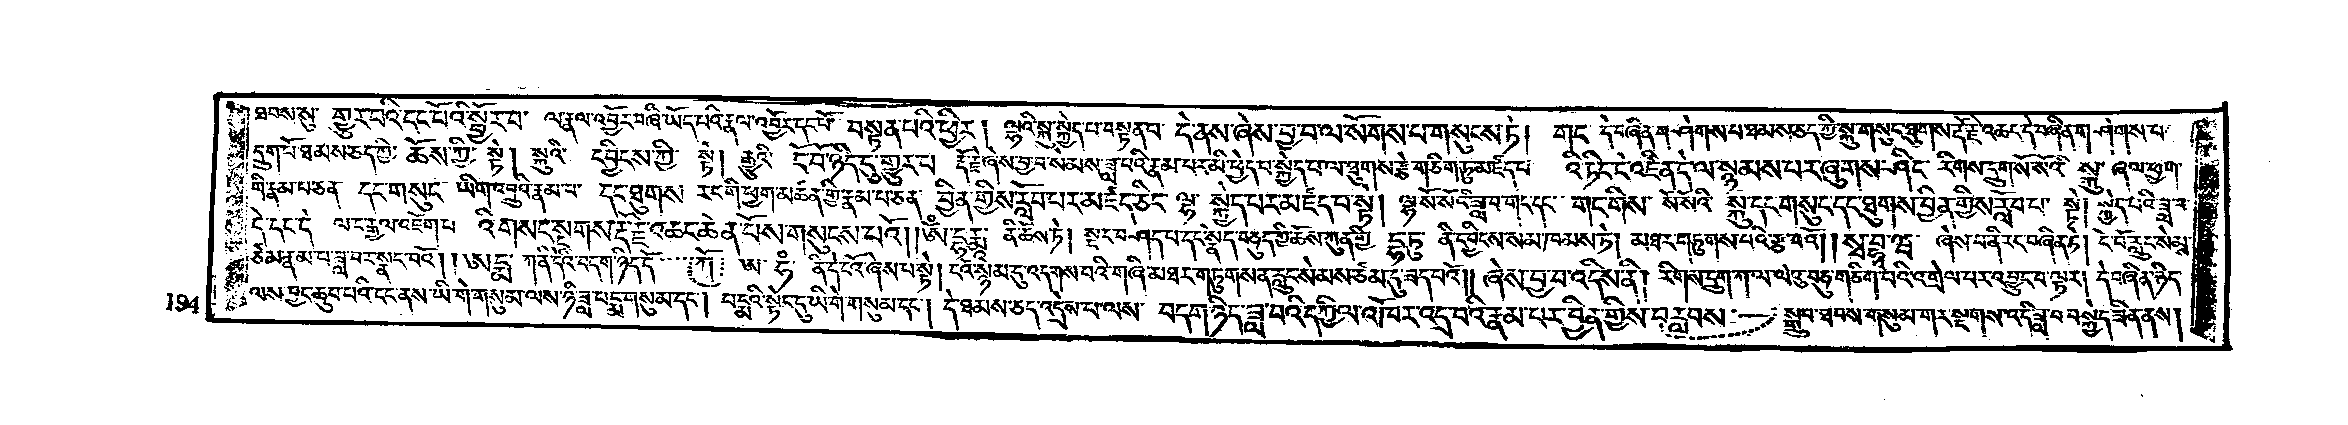ཐབས་སུ་གྱུར་པའི་དང་པོའི་སྦྱོར་བ་ལ་རྣལ་འབྱོར་བཞི་ཡོད་པའི་རྣལ་འབྱོར་དང་པོ་བསྟན་པའི་ཕྱིར། ལྷའི་སྐུ་སྐྱེད་པ་བསྟན་པ་དེ་ནས་ཞེས་བྱ་བ་ལ་སོགས་པ་གསུངས་ཏེ། གང་དེ་བཞིན་གཤེགས་པ་ཐམས་ཅད་ཀྱི་སྐུ་གསུང་ཐུགས་རྡོ་རྗེ་འཆང་དེ་བཞིན་གཤེགས་པ་
དྲུག་པོ་ཐམས་ཅད་ཀྱི་ཆོས་ཀྱི་སྟེ། སྐུའི་དབྱིངས་ཀྱི་སྟེ། རྒྱུའི་ངོ་བོ་ཉིད་དུ་གྱུར་པ་རྡོ་རྗེ་ཞེས་བྱ་བ་སེམས་ཟླ་བའི་རྣམ་པར་མི་ཕྱེད་པ་སྐྱེད་པ་ལ་ཐུགས་རྩེ་གཅིག་ཏུ་མཛད་པའི་ཏིང་ངེ་འཛིན་དེ་ལ་སྙོམས་པར་ཞུགས་ཤིང་རིགས་དྲུག་སོ་སོའི་སྐུ་ཞལ་ཕྱག་
གི་རྣམ་པ་ཅན་དང་གསུང་ཡིག་འབྲུའི་རྣམ་པ་དང་ཐུགས་རང་གི་ཕྱག་མཚན་གྱི་རྣམ་པ་ཅན་བྱིན་གྱིས་རློབ་པར་མཛད་ཅིང་ལྷ་སྐྱེད་པར་མཛད་པ་སྟེ། ལྷ་སོ་སོའི་ཟླ་བ་གང་དང་གང་གིས་སོ་སོའི་སྐུ་དང་གསུང་དང་ཐུགས་བྱིན་གྱིས་རློབ་པ་སྟེ། སྐྱེད་པའི་ཟླ་བ
དེ་དང་དེ་ལ་ང་རྒྱལ་འཇོག་པའི་གསང་སྔགས་རྡོ་རྗེ་འཆང་ཆེན་པོས་གསུངས་པའོ། །ཨོཾ་དྷརྨཱ་ནི་ཆོས་ཏེ། སྔར་བཤད་པ་དང་སྣོད་བཅུད་ཀྱི་ཆོས་ཀུན་གྱི་དྷ་ཏུ་ནི་དབྱིངས་སམ་ཁམས་ཏེ། མཐར་གཏུགས་པའི་རྩ་བའོ། །  སྭ་བྷཱ་ཝ་ཞེས་པ་ནི་རང་བཞིན་ཏེ། ངོ་བོ་རླུང་སེམས་
ཙམ་རྣམ་པ་ཟླ་བར་སྣང་བའོ། །ཨདམ་ཀ་ནི་དེའི་བདག་ཉིད་དོ་ཀོ་ཨ་ཧཾ་ནི་དེ་ངའོ་ཞེས་པ་སྟེ། ངའོ་སྙམ་དུ་འདགས་པའི་གཞི་མཐར་གཏུགས་ན་རླུང་སེམས་ཙམ་དུ་ཟད་པའོ། །  ཞེས་བྱ་བ་འདིས་ནི། རིགས་དྲུག་ཀ་ལ་ལེའུ་བཅུ་གཅིག་པའི་འགྲེལ་པར་འབྱུང་བ་ལྟར། དེ་བཞིན་ཉིད་
ལས་བྱང་ཆུབ་པའི་ངང་ནས་ཡི་གེ་གསུམ་ལས་ཉི་ཟླ་པདམ་གསུམ་དང་། པདམའི་སྟེང་དུ་ཡི་གེ་གསུམ་དང་། དེ་ཐམས་ཅད་འདྲེས་པ་ལས་བདག་ཉིད་ཟླ་བའི་དཀྱིལ་འཁོར་འདྲ་བའི་རྣམ་པར་བྱིན་གྱིས་བརླབས་སྒྲུབ་ཐབས་གསུམ་གར་སྔགས་འདི་ཟླ་བ་བསྐྱེད་ཟིན་ནས།